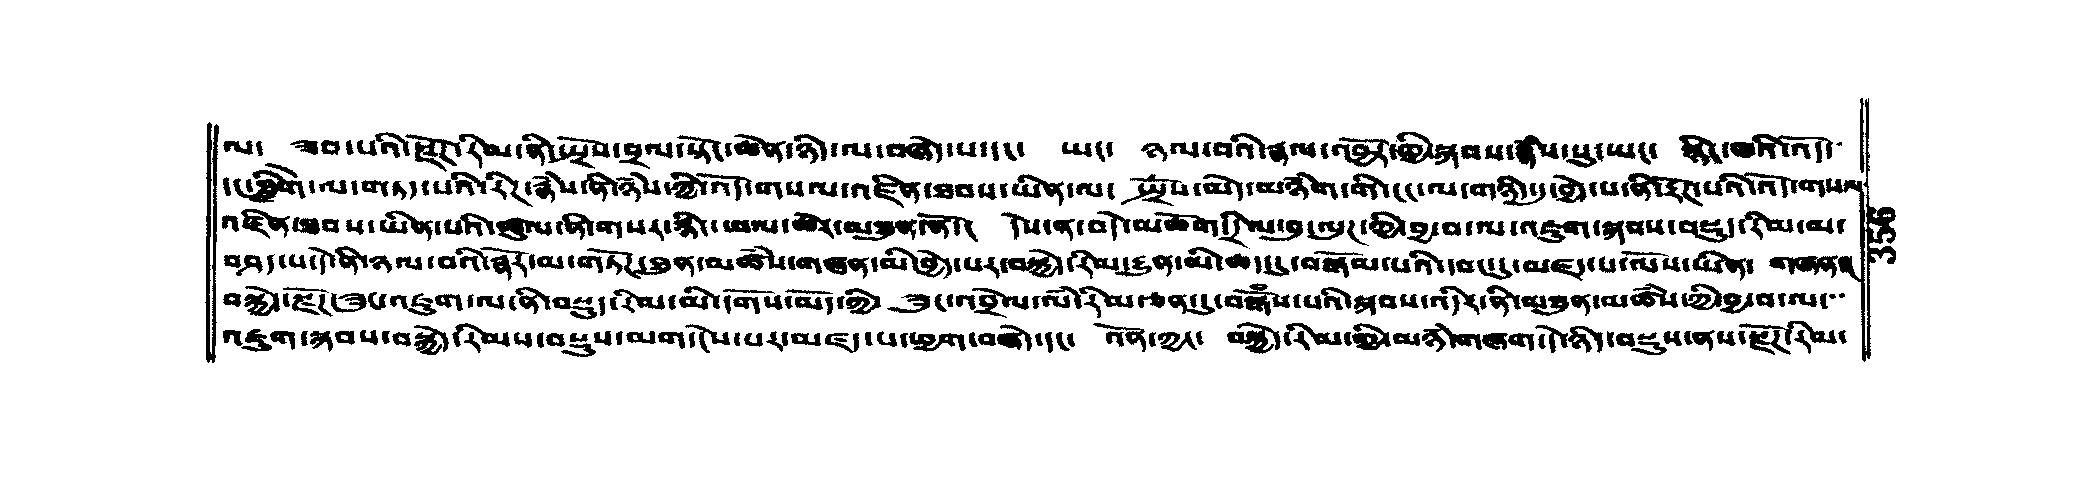ལ། ཟབ་པའི་རྫོགས་རིམ་ནི་སྤྲོས་བྲལ་སྟོང་ཆེན་ཉིད་ལ་བཞེད་པ་དང་། ཡང་། ཉལ་བའི་རྣལ་འབྱོར་གྱི་སྐབས་རྣམས་སུ་ཡང་། སྙིང་ཁའི་འོད་
དང་ཐིག་ལེ་ལ་གཏད་པའི་རིགས་རྣམས་ནི་ཉམས་ཀྱི་འོད་གསལ་འཛིན་ཐབས་ཡིན་ལ། སྤྲོས་མེད་མཉམ་བཞག་གི་ངང་ལ་གཉིད་དུ་བྱེད་པ་ནི་རྟོག་པའི་འོད་གསལ་
འཛིན་ཐབས་ཡིན་པའི་ཚུལ་ནི་གསར་རྙིང་ཕལ་ཆེར་མཐུན་ནོ། དེས་ན་བདེ་མཆོག་དྲིལ་བུ་ལུགས་ཀྱི་བྱ་བ་ལ་འཇུག་སྐབས་བསྡུ་རིམ་མ་
བཤད་པ་དེ་ནི་ཉལ་བའི་རྣལ་འབྱོར་མ་གཏོགས་ཐུན་མཚམས་གཞན་མི་བྱེད་པར་བསྐྱེད་རིམ་རྒྱུན་མི་ཆད་དུ་བསྒོམ་པའི་དབང་དུ་མཛད་པ་ལོས་ཡིན། གཞན་
བསྐྱེད་རྫོགས་ཟུང་འཇུག་ལ་ནི་བསྡུ་རིམ་མི་དགོས་མོད་ཀྱི། ཟུང་འབྲེལ་ལམ་རིམ་ཅན་དུ་བསྒོམ་པའི་སྐབས་འདིར་ནི་མཐུན་མཚམས་ཀྱི་བྱ་བ་ལ་
འཇུག་སྐབས་བསྐྱེད་རིམ་བསྡུས་པ་ངེས་པར་མཛད་པ་ཕྱག་བཞེད་དང་།འོན་ཀྱང་། བསྐྱེད་རིམ་གྱི་མཉམ་གཞག་དེ་ཉིད་བསྡུས་ནས་རྫོགས་རིམ་